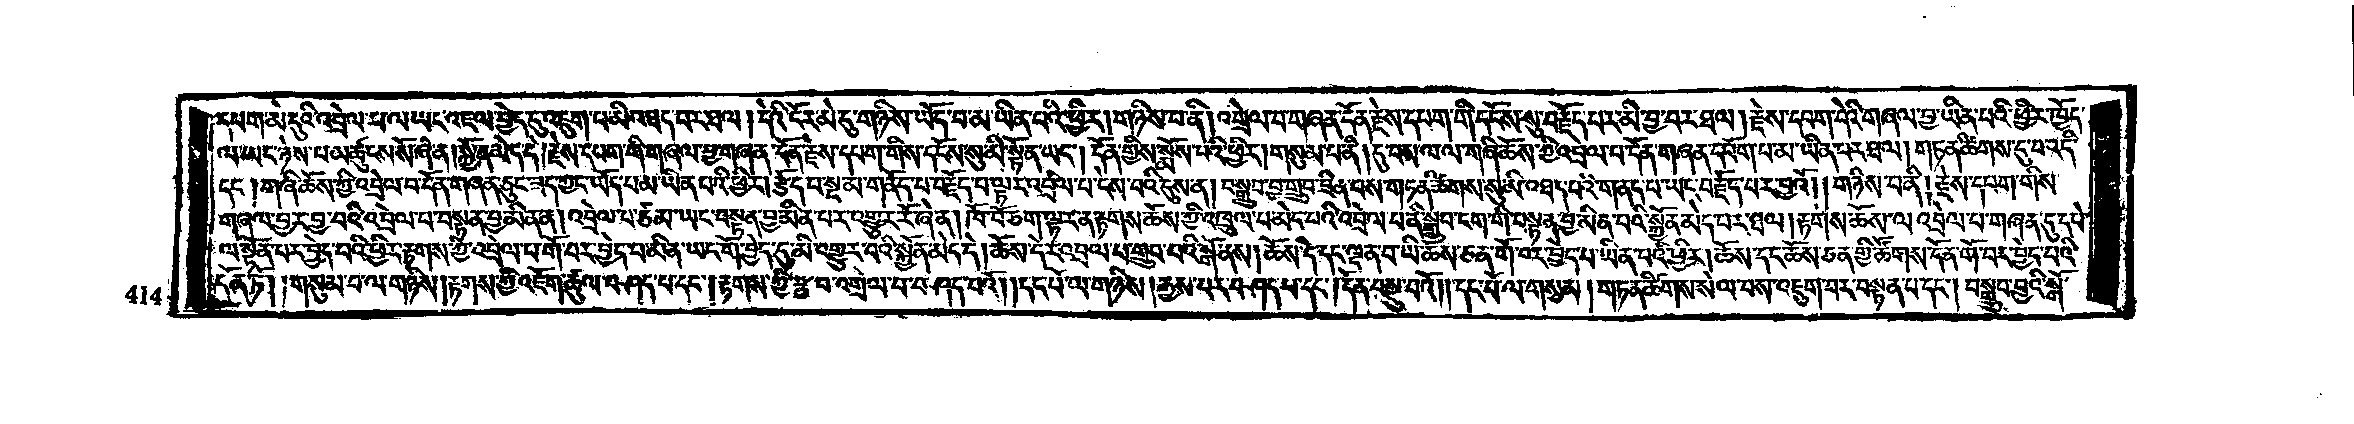དཔག་མེད་དུའི་འབྲེལ་པ་ལ་ཡང་འཇལ་བྱེད་དུ་འཇུག་པ་མི་འཐད་པར་ཐལ། དེའི་ངོར་མེ་དུ་གཉིས་ཡོད་པ་མ་ཡིན་པའི་ཕྱིར། གཉིས་པ་ནི། འགྲེལ་པ་གཞན་དོན་རྗེས་དཔག་གི་དངོས་སུ་བརྗོད་པར་མི་བྱ་བར་ཐལ། རྗེས་དཔག་དེའི་གཞལ་བྱ་ཡིན་པའི་ཕྱིར་ཁྱོད་
ལ་ཡང་ཉེས་པ་མཚུངས་སོ་ཞེ་ན། སྐྱོན་མེད་དེ། རྗེས་དཔག་གི་གཞལ་བྱ་གཞན་དོན་རྗེས་དཔག་གིས་དངོས་སུ་མི་སྟོན་ཡང་། དོན་གྱིས་སྨོས་པའི་ཕྱིར། གསུམ་པ་ནི། དུ་བས་ལ་ལ་གཞི་ཆོས་ཀྱི་འབྲལ་པ་དོན་གཞན་དཔོག་པ་མ་ཡིན་པར་ཐལ། གཏན་ཚིགས་དུ་བ་འདི་
དང་། གཞི་ཆོས་ཀྱི་འབྲེལ་བ་དོན་གཞན་ཅུང་ཟད་ཀྱང་ཡོད་པ་མ་ཡིན་པའི་ཕྱིར། རྩོད་པ་སྔ་མ་གནོད་པ་བརྗོད་པ་ལྟར་འབྲིལ་པ་ངེས་པའི་དུས་ན། བསྒྲུབ་བྱ་གྲུབ་ཟིན་པས་གཏན་ཚིགས་སུ་མི་འཐད་པའི་གནད་པ་ཡང་བརྗོད་པར་བྱའོ། །གཉིས་པ་ནི་རྗེས་དཔག་གིས་
གཞལ་བྱར་བྱ་བའི་འབྲེལ་པ་བསྟན་བྱ་མིན་ན། འབྲེལ་པ་ཙམ་ཡང་བསྟན་བྱ་མིན་པར་འགྱུར་རོ་ཞེ་ན། ཁོ་བོ་ཅག་ལྟར་ན་རྟགས་ཆོས་ཀྱི་འཁྲུལ་པ་མེད་པའི་འབྲེལ་པ་ནི་སྒྲུབ་ངག་གི་བསྟན་བྱ་མིན་པའི་སྐྱོན་མེད་པར་ཐལ། རྟགས་ཆོས་ལ་འབྲེལ་པ་གཞན་དུ་དཔེ་
ལ་སྟོན་པར་བྱེད་པའི་ཕྱིར་རྟགས་ཀྱི་འབྲེལ་པ་གོ་བར་བྱེད་པ་མིན་ཡང་གོ་བྱེད་དུ་མི་འགྱུར་བའི་སྐྱོན་མེད་དེ། ཆོས་དེར་འབྲལ་པ་གྲུབ་པའི་སྒོ་ནས། ཆོས་དེ་དང་ལྡན་པ་ཡི་ཆོས་ཅན་གོ་བར་བྱེད་པ་ཡིན་པའི་ཕྱིར། ཆོས་དང་ཆོས་ཅན་གྱི་ཚོགས་དོན་གོ་བར་བྱེད་པའི་
དོན་ཏོ། །གསུམ་ལ་གཉིས། རྟགས་ཀྱི་འཇོག་ཚུལ་བཤད་པ་དང་། རྟགས་ཀྱི་རྩ་བ་འགྲེལ་པ་བཤད་པའོ། །དང་པོ་ལ་གཉིས། རྒྱས་པ་ཤད་པ་དང་། དོན་བསྡུ་བའོ། །དང་པ་ལ་གསུམ། གཏན་ཚིགས་སེལ་བས་འཇུག་པར་བསྟན་པ་དང་། བསྒྲུབ་བྱའི་སྒོ་